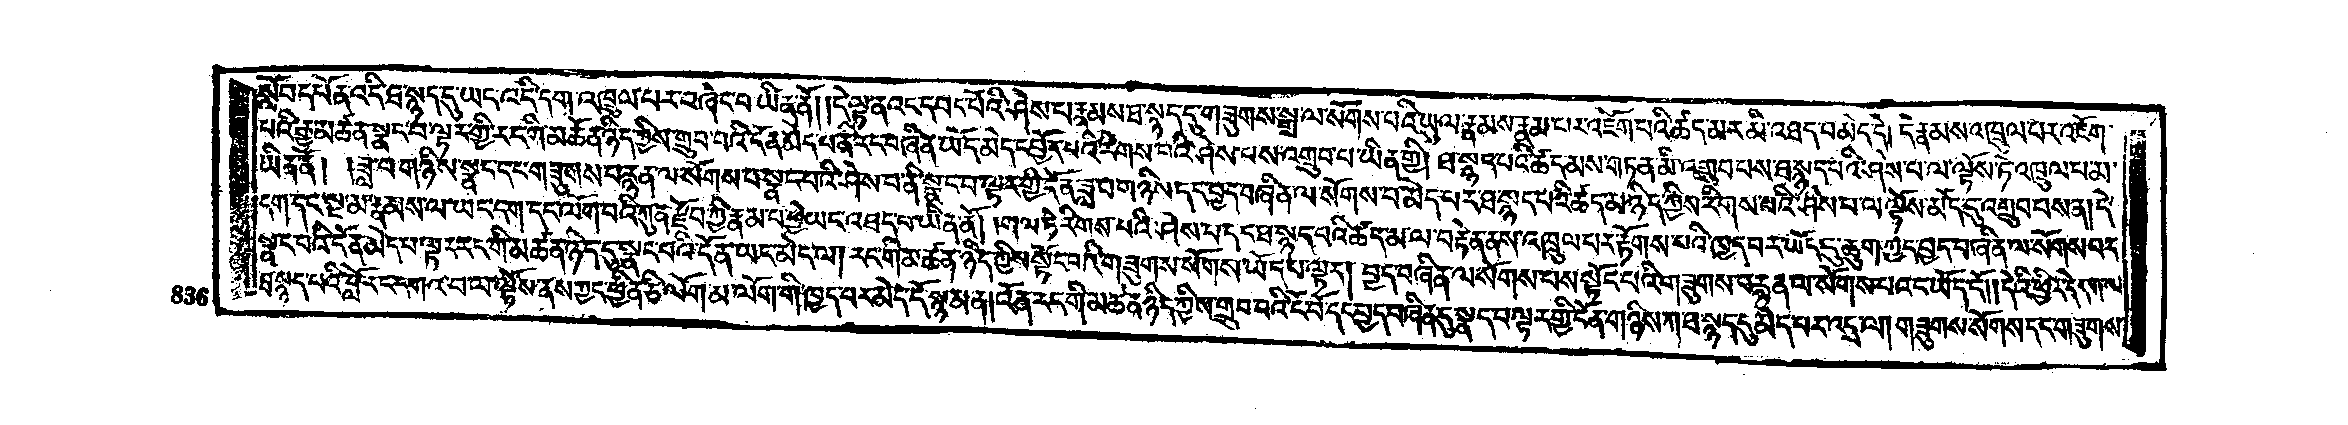སློབ་དཔོན་འདི་ཐ་སྙད་དུ་ཡང་འདི་དག་འཁྲུལ་པར་བཞེད་པ་ཡིན་ནོ། །དེ་ལྟ་ནའང་དབང་པོའི་ཤེས་པ་རྣམས་ཐ་སྙད་དུ་གཟུགས་སྒྲ་ལ་སོགས་པའི་ཡུལ་རྣམས་རྣམ་པར་འཇོག་པའི་ཚད་མར་མི་འཐད་པ་མེད་དེ། དེ་རྣམས་འཁྲུལ་པར་འཇོག་
པའི་རྒྱུ་མཚན་སྣང་བ་ལྟར་གྱི་རང་གི་མཚན་ཉིད་ཀྱིས་གྲུབ་པའི་དོན་མེད་པ་ནི་རང་བཞིན་ཡོད་མེད་དཔྱོད་པའི་རིགས་པའི་ཤེས་པས་འགྲུབ་པ་ཡིན་གྱི། ཐ་སྙད་པའི་ཚད་མས་གཏན་མི་འགྲུབ་པས་ཐ་སྙད་པའི་ཤེས་པ་ལ་ལྟོས་ཏེ་འཁྲུལ་པ་མ་
ཡིན་ནོ། །ཟླ་བ་གཉིས་སྣང་དང་གཟུགས་བརྙན་ལ་སོགས་པ་སྣང་བའི་ཤེས་པ་ནི་སྣང་བ་ལྟར་གྱི་དོན་ཟླ་བ་གཉིས་དང་བྱད་བཞིན་ལ་སོགས་པ་མེད་པར་ཐ་སྙད་པའི་ཚད་མ་ཉིད་ཀྱིས་རིགས་པའི་ཤེས་པ་ལ་ལྟོས་མེད་དུ་འགྲུབ་པས་ན། དེ་
དག་དང་སྔ་མ་རྣམས་ལ་ཡང་དག་དང་ལོག་པའི་ཀུན་རྫོབ་ཀྱི་རྣམ་དབྱེ་ཡང་འཐད་པ་ཡིན་ནོ། །གལ་ཏེ་རིགས་པའི་ཤེས་པ་དང་ཐ་སྙད་པའི་ཚད་མ་ལ་བརྟེན་ནས་འཁྲུལ་པར་རྟོགས་པའི་ཁྱད་པར་ཡོད་དུ་ཆུག་ཀྱང་བྱད་བཞིན་ལ་སོགས་པར་
སྣང་བའི་དོན་མེད་པ་ལྟར་རང་གི་མཚན་ཉིད་དུ་སྣང་བའི་དོན་ཡང་མེད་ལ། རང་གི་མཚན་ཉིད་ཀྱིས་སྟོང་པའི་གཟུགས་སོགས་ཡོད་པ་ལྟར། བྱད་བཞིན་ལ་སོགས་པས་སྟོང་པའི་གཟུགས་བརྙན་ལ་སོགས་པའང་ཡོད་དོ། །དེའི་ཕྱིར་དེ་དག་ལ་
ཐ་སྙད་པའི་བློ་རང་དགའ་བ་ལ་ལྟོས་ནས་ཀྱང་ཕྱིན་ཅི་ལོག་མ་ལོག་གི་ཁྱད་པར་མེད་དོ་སྙམ་ན། འོ་ན་རང་གི་མཚན་ཉིད་ཀྱིས་གྲུབ་པའི་ངོ་བོ་དང་བྱད་བཞིན་དུ་སྣང་བ་ལྟར་གྱི་དོན་གཉིས་ཀ་ཐ་སྙད་དུ་མེད་པར་འདྲ་ལ། གཟུགས་སོགས་དང་གཟུགས་